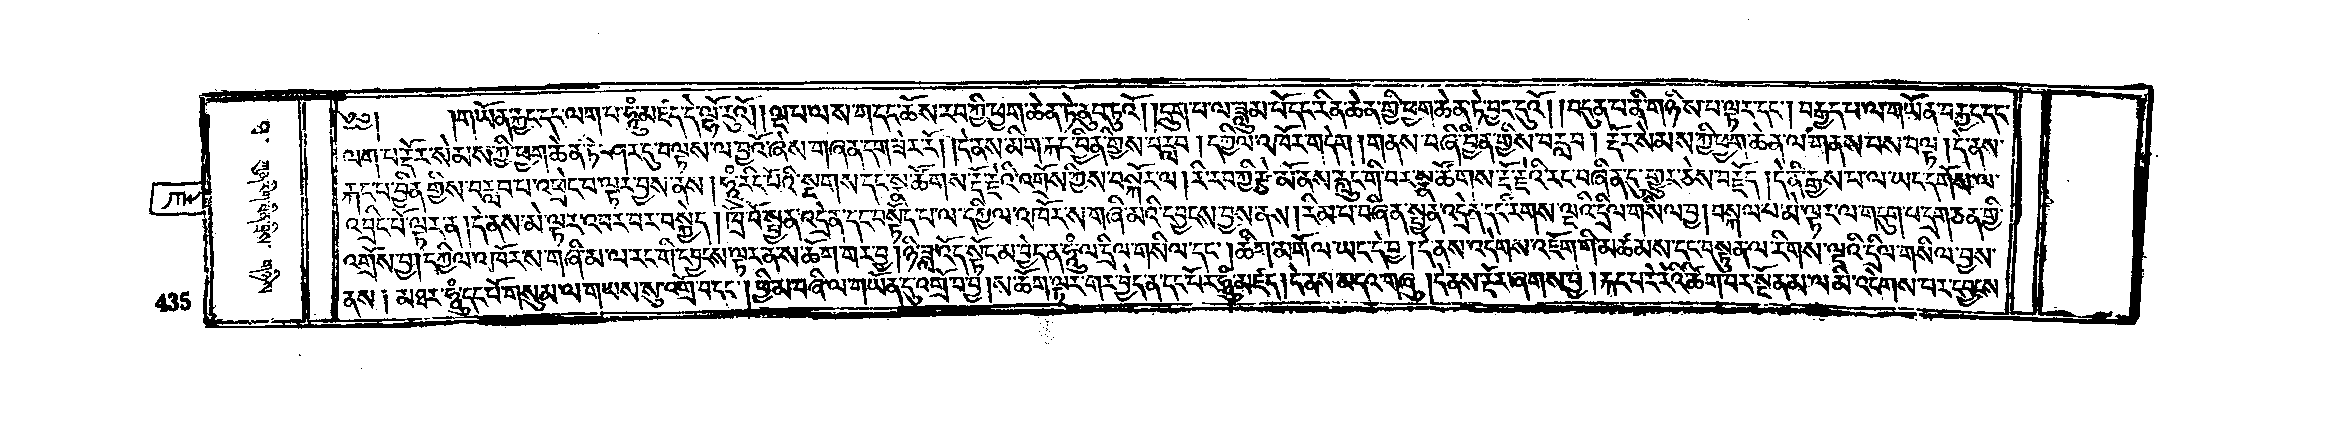༄༅། །གཡོན་རྐྱང་དང་ལག་པ་ཧཱུཾ་མཛད་དེ་ལྷོ་རུའོ། །ལྔ་པ་ལས་ག་དང་ཆོས་རབ་ཀྱི་ཕྱག་ཆེན་ཏེ་ནུབ་ཏུའོ། །དྲུག་པ་ལ་ཟླུམ་པོ་དང་རིན་ཆེན་གྱི་ཕྱག་ཆེན་ཏེ་བྱང་དུའོ། །བདུན་པ་ནི་གཉིས་པ་ལྟར་དང་། བརྒྱད་པ་ལ་གཡོན་བརྐྱང་དང་
ལག་པ་རྡོར་སེམས་ཀྱི་ཕྱག་ཆེན་ཏེ་ཤར་དུ་བལྟས་ལ་བྱའོ་ཞེས་གཞན་དག་ཟེར་རོ། །དེ་ནས་མིག་རྐང་བྱིན་གྱིས་བརླབ། དཀྱིལ་འཁོར་གདེག །གནས་བཞི་བྱིན་གྱིས་བརླབ། རྡོར་སེམས་ཀྱི་ཕྱག་ཆེན་ལ་གནས་པས་བལྟ། དེ་ནས་
རྐང་པ་བྱིན་གྱིས་བརླབ་པ་འཕྲེང་བ་ལྟར་བྱས་ནས། ཧཱུཾ་རིང་པོའི་སྔགས་དང་སྣ་ཚོགས་རྡོ་རྗེའི་འགྲོས་ཀྱིས་བསྐོར་ལ། རི་རབ་ཀྱི་རྩེ་མོ་ནས་རླུང་གི་བར་སྣ་ཚོགས་རྡོ་རྗེའི་རང་བཞིན་དུ་གྱུར་ཅེས་བརྗོད། དེ་ནི་རྒྱས་པ་ལ་ཡང་དགོས་ལ་
འབྲིང་པོ་ལྟར་ན། དེ་ནས་མེ་ལྟར་འབར་བར་བསྐྱེད། ཁྲོ་བོ་སྤྱན་འདྲེན་དང་བསྟོད་པ་ལ་དཀྱིལ་འཁོར་ས་གཞི་མའི་དབྱངས་བྱས་ནས། རིམ་པ་བཞིན་སྤྱན་འདྲེན་དང་རིགས་ལྔའི་དྲིལ་གསིལ་བྱ། བསྐལ་པ་མེ་ལྟར་ལ་གདུག་པ་དྲག་ཅན་གྱི་
འགྲོས་བྱ། དཀྱིལ་འཁོར་ས་གཞི་མ་ལ་རང་གི་དབྱངས་ལྟར་ན་ས་ཆོག་གར་བྱ། ཉི་ཟླ་འོད་སྟོང་མ་བྱེད་ན་ཧཱུཾ་ལ་དྲིལ་གསིལ་དང་། ཚིག་མགོལ་ཡང་དེ་བྱ། དེ་ནས་འདེགས་འཇོག་གི་མཚམས་དང་བསྟུན་ལ་རིགས་ལྔའི་དྲིལ་གསིལ་བྱས་
ནས། མཐར་ཧཱུཾ་དང་པོ་གསུམ་ལ་གཡས་སུ་འགྲོ་བ་དང་། ཕྱི་མ་བཞི་ལ་གཡོན་དུ་འགྲོ་བ་བྱ། ས་ཆོག་ལྟར་གར་བྱེད་ན་དང་པོར་ཧཱུཾ་མཛད། དེ་ནས་མདའ་གཞུ། དེ་ནས་རྡོར་ཞགས་བྱ། རྐང་པ་རེ་རེའི་ཚིག་བར་སྔོན་མ་ལ་མི་འདེགས་པར་དབྱངས་